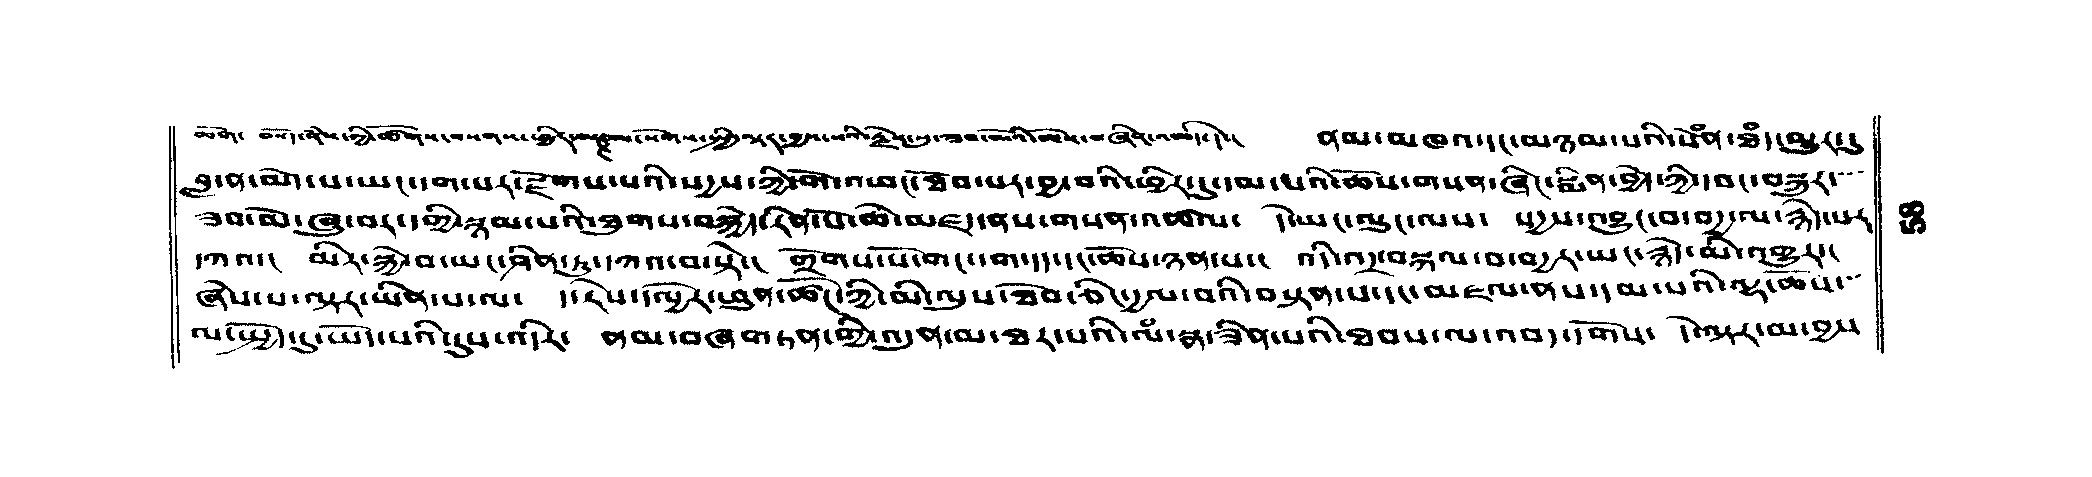ཆོག་བསོད་ནམས་ཀྱི་ཚོགས་བསགས་ཕྱིར་མཎྜལ་སོགས་སྤྱི་ལྟར་བྱས་པའི་རྗེས་སུ་ཟབ་མོས་ཆོས་བཞིན་འཆད་དེ།ནམ་མཁའ་དང་མཉམ་པའི་སེམས་ཅན་ཐམས་ཅད་མྱུར་དུ་
བླ་ན་མེད་པ་ཡང་དག་པར་རྫོགས་པའི་སངས་རྒྱས་ཀྱི་གོ་འཕང་ཐོབ་པར་བྱ་བའི་ཕྱིར་དུ་དམ་པའི་ཆོས་གསན་ཞིང་སྨིན་བྱེད་ཀྱི་དབང་བསྐུར་
ཟབ་མོ་ཞུ་བར་འགྱིད་སྙམ་པའི་ཐུགས་བསྐྱེད་རིན་པོ་ཆེ་མཛད་ནས་གསན་འཚལ། དེ་ཡང་ལུང་ལས། སངས་རྒྱས་འབྱུང་བ་བརྒྱ་ལ་རྙེད་མི་འགྱུར་
ཞེས་པ་ལྟར་ཡིན་པ་ལ། ད་རེས་དལ་འབྱོར་ཕུན་ཚོགས་ཀྱི་མི་ལུས་ཐོབ་ཅིང་རྒྱལ་བའི་བསྟན་པ་དང་མཇལ་ནས་དམ་པའི་ལྷ་ཆོས་
ལ་སྤྱོད་དུ་ཡོད་པའི་དུས་འདིར། ནམ་བཞག་གཏན་གྱི་འདུན་མ་ཐར་བའི་ལམ་སྣ་ཟིན་པའི་ཐབས་འབད་དགོས། དེ་ལྟར་མ་བྱས་